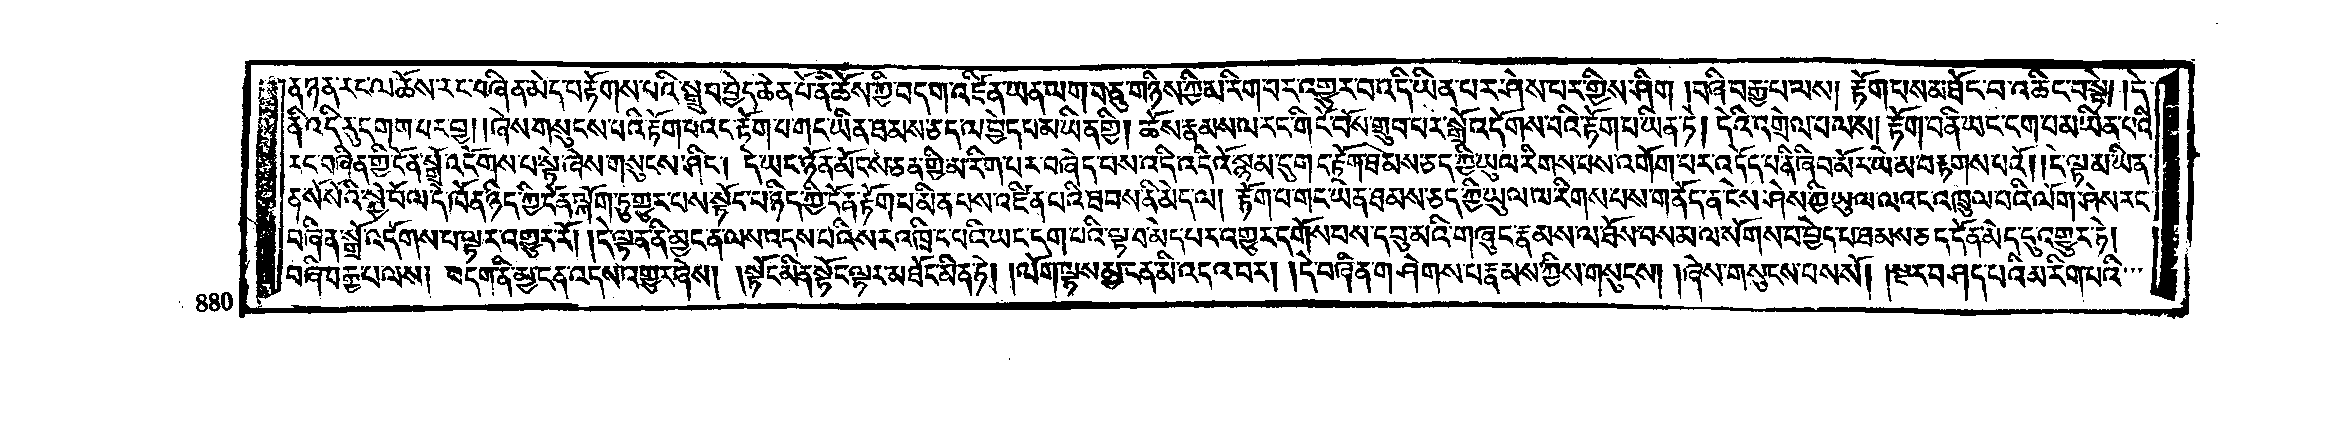ན་ཉན་རང་ལ་ཆོས་རང་བཞིན་མེད་པ་རྟོགས་པའི་སྒྲུབ་བྱེད་ཆེན་པོ་ནི་ཆོས་ཀྱི་བདག་འཛིན་ཡན་ལག་བཅུ་གཉིས་ཀྱི་མ་རིག་པར་འགྱུར་བ་འདི་ཡིན་པར་ཤེས་པར་གྱིས་ཤིག །བཞི་བརྒྱ་པ་ལས། རྟོག་པས་མཐོང་བ་འཆིང་བ་སྟེ། །དེ་
ནི་འདི་རུ་དགག་པར་བྱ། །ཞེས་གསུངས་པའི་རྟོག་པའང་རྟོག་པ་གང་ཡིན་ཐམས་ཅད་ལ་བྱེད་པ་མ་ཡིན་གྱི། ཆོས་རྣམས་ལ་རང་གི་ངོ་བོས་གྲུབ་པར་སྒྲོ་འདོགས་པའི་རྟོག་པ་ཡིན་ཏེ། དེའི་འགྲེལ་པ་ལས། རྟོག་པ་ནི་ཡང་དག་པ་མ་ཡིན་པའི་
རང་བཞིན་གྱི་དོན་སྒྲོ་འདོགས་པ་སྟེ་ཞེས་གསུངས་ཤིང་། དེ་ཡང་ཉོན་མོངས་ཅན་གྱི་མ་རིག་པར་བཞེད་པས་འདི་འདིའོ་སྙམ་དུ་གང་རྟོག་ཐམས་ཅད་ཀྱི་ཡུལ་རིགས་པས་འགོག་པར་འདོད་པ་ནི་ཞིབ་མོར་ཡེ་མ་བརྟགས་པའོ། །དེ་ལྟ་མ་ཡིན་
ན་སོ་སོའི་སྐྱེ་བོ་ལ་དེ་ཁོ་ན་ཉིད་ཀྱི་དོན་ལྐོག་ཏུ་གྱུར་པས་སྟོང་པ་ཉིད་ཀྱི་དོན་རྟོག་པ་མིན་པས་འཛིན་པའི་ཐབས་ནི་མེད་ལ། རྟོག་པ་གང་ཡིན་ཐམས་ཅད་ཀྱི་ཡུལ་ལ་རིགས་པས་གནོད་ན་ངེས་ཤེས་ཀྱི་ཡུལ་ལའང་འཁྲུལ་བའི་ལོག་ཤེས་རང་
བཞིན་སྒྲོ་འདོགས་པ་ལྟར་འགྱུར་རོ། །དེ་ལྟ་ན་ནི་མྱ་ངན་ལས་འདས་པའི་སར་འཁྲིད་པའི་ཡང་དག་པའི་ལྟ་བ་མེད་པར་འགྱུར་དགོས་པས་དབུ་མའི་གཞུང་རྣམས་ལ་ཐོས་བསམ་ལ་སོགས་པ་བྱེད་པ་ཐམས་ཅད་དོན་མེད་དུ་འགྱུར་ཏེ།
བཞི་བརྒྱ་པ་ལས། བདག་ནི་མྱ་ངན་འདས་འགྱུར་ཞེས། །སྟོང་མིན་སྟོང་ལྟར་མཐོང་མིན་ཏེ། །ལོག་ལྟས་མྱ་ངན་མི་འདའ་བར། །དེ་བཞིན་གཤེགས་པ་རྣམས་ཀྱིས་གསུངས། །ཞེས་གསུངས་པས་སོ། །སྔར་བཤད་པའི་མ་རིག་པའི་